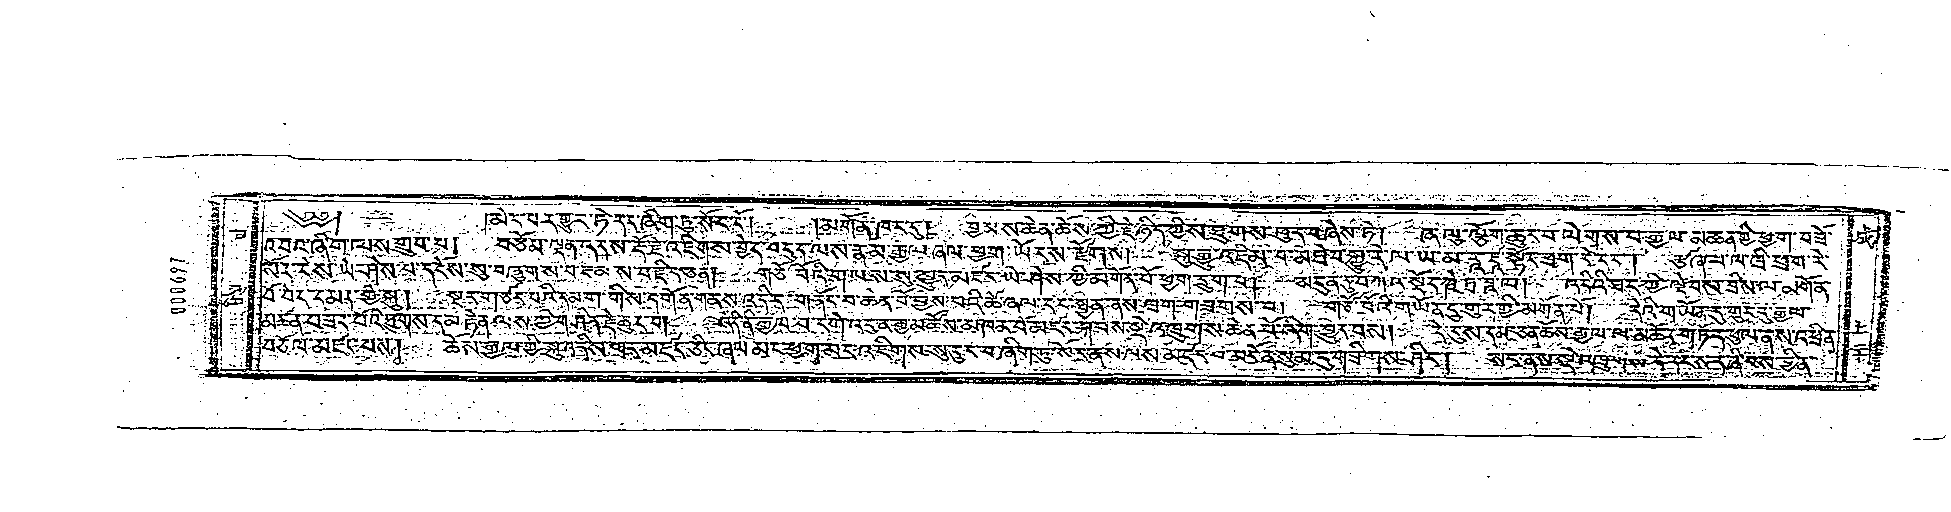༄༅། །མེད་པར་གྱུར་ཏེ་རང་ཞིག་ཏུ་སོང་ངོ། །མགོན་ཁང་དུ། བྱམས་ཆེན་ཆོས་ཀྱི་རྗེ་ཉིད་ཀྱིས་ཐུགས་ཁུར་བཞེས་ཏེ། ཞ་ལུ་ལྕོག་ཆུང་བ་ལེགས་པ་རྒྱལ་མཚན་གྱི་ཕྱག་བཟོ་
འབའ་ཞིག་ལས་གྲུབ་པ། བཅོམ་ལྡན་འདས་རྡོ་རྗེ་འཇིགས་བྱེད་བདུད་ལས་རྣམ་རྒྱལ་ཞལ་ཕྱག་ཡོངས་རྫོགས། སྐུ་རྒྱུ་འཇིམ་བ་མཐེ་བ་སྐྱུ་རེ་ལ་ཡ་མ་རཱ་ཛཱ་སྟོང་ཕྲག་རེ་དང་། ཙ་ཞལ་ལ་ཁྲི་ཕྲག་རེ་
སོར་ངེས་ཡེ་ཤེས་པ་དངོས་སུ་བཞུགས་པ་རྔམས་བརྗིད་ཅན། གཙོ་བོའི་གཡས་སུ་མྱུར་མཛད་ཡེ་ཤེས་ཀྱི་མགོན་པོ་ཕྱག་དྲུག་པ། མདུན་དུ་བཀའ་སྡོད་ཀྵེ་ཏྲ་བཱ་ལ། འདིའི་ཐད་ཀྱི་ལྡེབས་བྲིས་ལ་མགོན་
བོ་བེད་དམར་གྱི་སྐུ། སྔར་གཙང་པའི་དམག་གིས་དགོན་གནས་འདིར་གནོད་བ་ཆེན་པོ་བྱས་པའི་ཚེ་ཞལ་དང་སྤྱན་ནས་ཁྲག་གཟགས་བ། གཙོ་བོའི་གཡོན་དུ་གུར་གྱི་མགོན་པོ། དེའི་གཡོན་དུ་གུར་རུ་རྒྱལ་
མཚན་བཟང་བོའི་ཐུགས་དམ་རྟེན་ལས་ཀྱི་གཤིན་རྗེ་ཆུང་བ། འདི་ནི་རྒྱལ་བ་དགེ་འདུན་རྒྱ་མཚོས་མཁན་བོ་མཛད་སྐབས་སྡེ་འཁྲུགས་ཆེན་པོ་ཞིག་བྱུང་བས། དེ་དུས་དམ་ཅན་ཆོས་རྒྱལ་ལ་མཆོད་གཏོར་ཕུལ་ནས་འཕྲིན་
བཅོལ་མཛད་པས། ཆོས་རྒྱལ་གྱི་སྐུ་འདིས་གར་མཛད་ཅིང་ཞལ་མང་ཕྱག་མང་འཇིགས་སུ་རུང་བ་ཞིག་ཏུ་སོང་ནས་ལས་མཛད་པ་མངོན་སུམ་དུ་གཟིགས་ཤིང་། སང་ནས་སྡེ་འཁྲུགས་དེ་རང་སར་ཞི་བས་བྱིན་